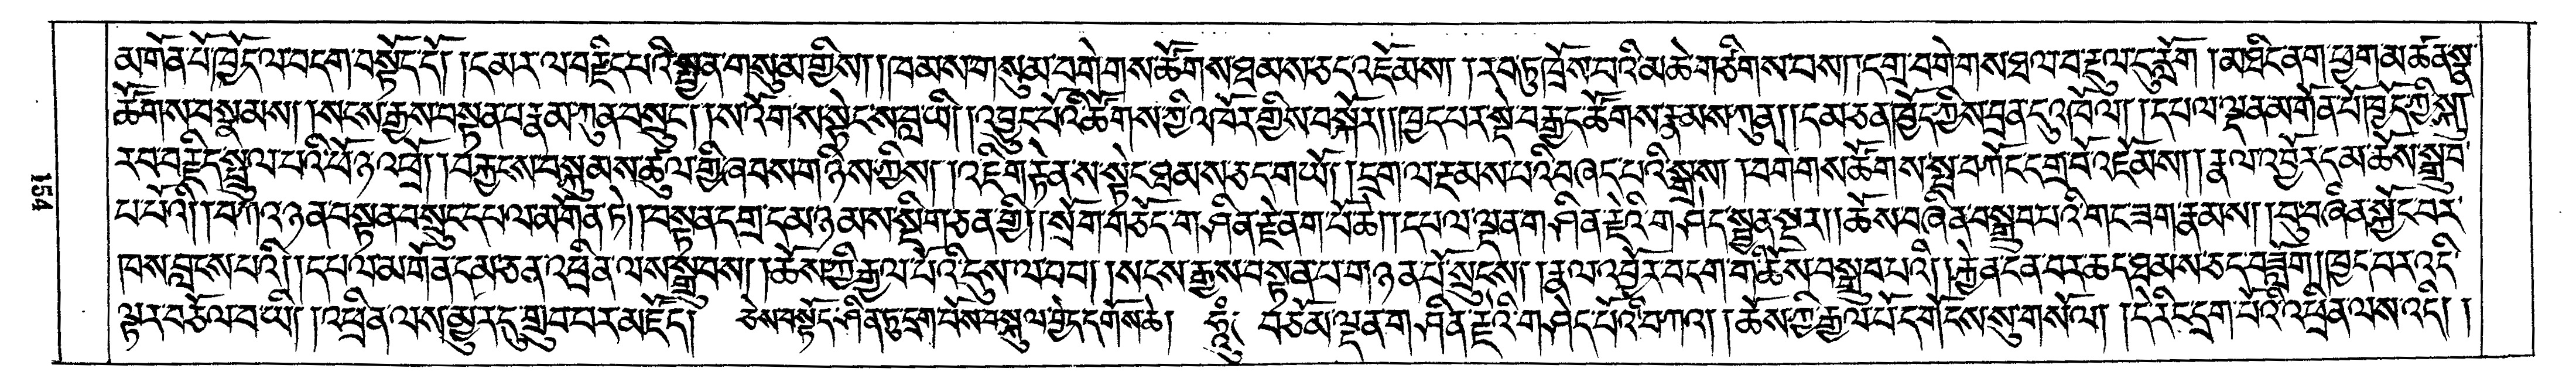མགོན་པོ་ཁྱོད་ལ་བདག་བསྟོད་དོ། །དམར་ལ་བརྗིད་པའི་སྤྱན་གསུམ་གྱིས། །ཁམས་གསུམ་བགེགས་ཚོགས་ཐམས་ཅད་འཇོམས། །རབ་ཏུ་ཁྲོས་པའི་མཆེ་གཙིགས་པས། །དགྲ་བགེགས་ཐལ་བརྡུལ་དུ་རློག། །མཐིང་ནག་ཕྱག་མཚན་སྣ་
ཚོགས་བསྣམས། །སངས་རྒྱས་བསྟན་པ་རྣམ་ཀུན་བསྲུང་། །ས་འོག་ས་སྟེང་ས་བླ་ཡི། །འབྱུང་པོའི་ཚོགས་ཀྱི་འཁོར་གྱིས་བསྐོར། །ཁྱད་པར་སྡེ་བརྒྱད་ཚོགས་རྣམས་ཀུན། །དམ་ཅན་ཁྱོད་ཀྱིས་བྲན་དུ་འཁོལ། །དཔལ་ལྡན་མགོན་པོ་ཁྱོད་ཀྱི་སྐུ།
རབ་བརྗིད་སྤྲུལ་པའི་ཕོ་ཉ་འཕྲེ། །བརྐྱངས་བསྐུམས་ཚུལ་གྱི་ཞབས་གཉིས་ཀྱིས། །འཇིག་རྟེན་ས་སྟེང་ཐམས་ཅད་གཡོ། །དྲག་ལ་རྔ་མས་པའི་བཞང་པའི་སྒྲས། །བགེགས་ཚོགས་པ་བཀོང་དགྲ་བོ་འཇོམས། ། རྣལ་འབྱོར་དམ་ཆོས་སྒྲུབ་
པ་པོའི། །བཀའ་ཉན་བསྟན་བསྲུང་དཔལ་མགོན་ཏེ། །བསྟན་དགྲ་དམ་ཉམས་སྡིག་ཅན་གྱི། །སྲོག་གཅོད་གཤིན་རྗེ་ནག་པོ་ཆེ། །དཔལ་ལྡན་གཤིན་རྗེའི་གཤེད་སྤྱན་སྔར། །ཆོས་བཞིན་བསྒྲུབ་པའི་གང་ཟག་རྣམས། །བུ་བཞིན་སྐྱོང་བར་
ཁས་བླངས་པའི། །དཔལ་མགོན་དམ་ཅན་འཕྲིན་ལས་སྒྲུབས། །ཆོས་ཀྱི་རྒྱལ་པོའི་དུས་ལ་བབ། །སངས་རྒྱས་བསྟན་པ་གཉེན་པོ་སྲུངས། །རྣལ་འབྱོར་བདག་གི་ཆོས་བསྒྲུབ་པའི། །རྐྱེན་ངན་པར་ཆད་ཐམས་ཅད་བཟློག། ཁྱད་པར་འདི་
ལྟར་བཅོལ་བ་ཡི། །འཕྲིན་ལས་མྱུར་དུ་གྲུབ་པར་མཛོད། ཅེས་བསྟོད་ཤིན་ཏུ་དྲུག་པོས་བསྐུལ་བྱེད་དགོས་ཚེ། ཧཱུཾ། བཅོམ་ལྡན་གཤིན་རྗེའི་གཤེད་པོའི་བཀའ། །ཆོས་ཀྱི་རྒྱལ་པོ་དགོངས་སུ་གསོལ། །དེ་རིང་དྲག་པོའི་འཕྲིན་ལས་འདི། །